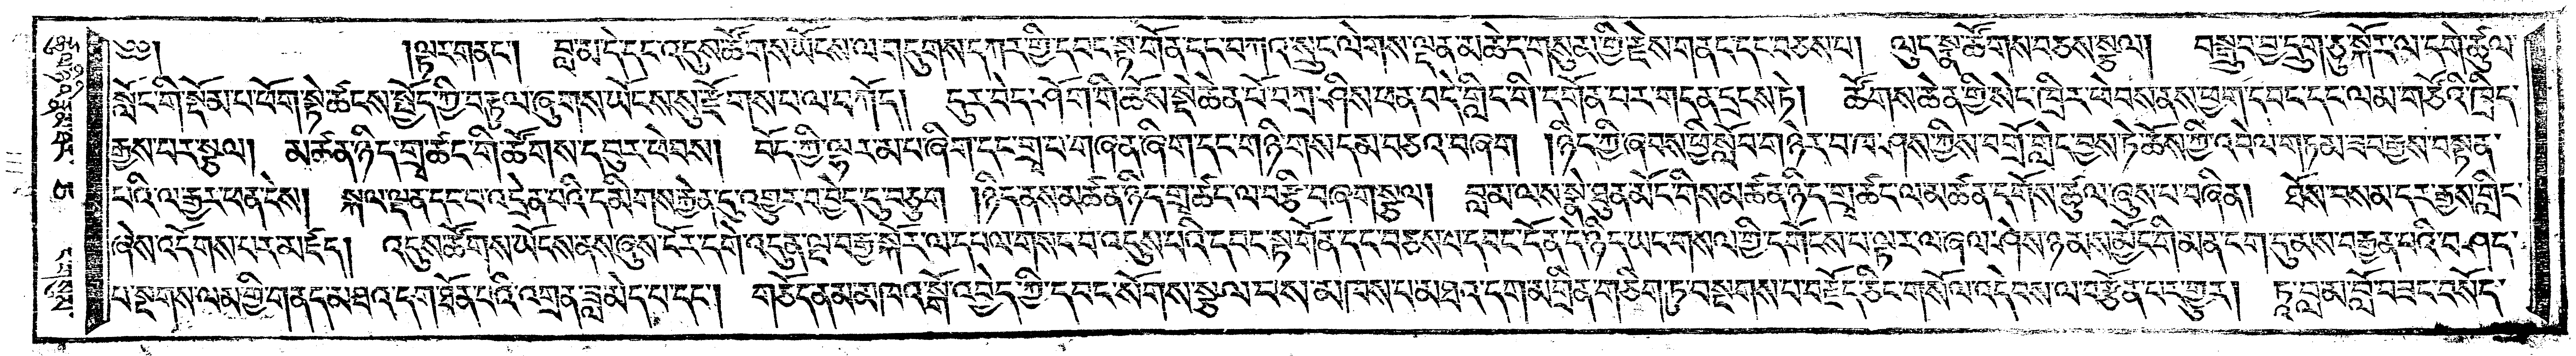༄༅། །ལྟར་གནང་། བླ་མ་དེ་དང་འདུས་ཚོགས་ཡོངས་ལ་གདུགས་དཀར་གྱི་དབང་སྟ་གོན་དང་བཀའ་སྲུང་ལེགས་ལྡན་མཆེད་གསུམ་གྱི་རྗེས་གནང་དང་བཅས་པ། ལུང་སྣ་ཚོགས་བཅས་སྩལ། བསྒྲུབ་བྱ་དྲུག་ཅུ་སྐོར་ལ་དགེ་ཚུལ་
སློང་གི་སྡོམ་པ་ཕོག་སྟེ་ཚངས་སྤྱོད་ཀྱི་བརྟུལ་ཞུགས་ཡོངས་སུ་རྫོགས་བ་ལ་བཀོད། དུར་བེད་ཤོག་གི་ཆོས་སྡེ་ཆེན་པོ་བཀྲ་ཤིས་ཕན་བདེ་གླིང་གི་དགོན་བར་གདན་དྲངས་ཏེ། ཚོགས་ཆེན་གྱི་སེང་ཁྲིར་ཕེབས་ནས་ཕྱག་དབང་དང་ལམ་གཙོའི་ཁྲིད་
རྒྱས་པར་སྩལ། མཚན་ཉིད་གྲྭ་ཚང་གི་ཚོགས་དབུར་ཕེབས། བོད་ཀྱི་ལྷར་མ་པ་ཞིག་དང་གྲྭ་པ་གཞན་ཞིག་དང་གཉིགས་དམ་བཅའ་བཞག །ཉིད་ཀྱི་ཞབས་ཕྱི་སློབ་གཉེར་བ་ཁ་ཤས་ཀྱིས་བགྲོ་གླེང་བྱས་ཏེ་ཆོས་ཀྱི་འབེལ་གཏམ་ཟབ་རྒྱས་བསྟན་
པའི་ལ་རྒྱར་ཕན་ངེས། སྐལ་ལྡན་དང་པ་འདྲེན་བའི་དམིགས་རྐྱེན་དུ་འགྱུར་བ་བྱེད་དུ་བཅུག །ཉིད་ནས་མཚན་ཉིད་གྲྭ་ཚང་ལ་བརྩི་བཞག་སྩལ། བླ་མ་ལས་སྣེ་ཐུན་མོང་གིས་མཚན་ཉིད་གྲྭ་ཚང་ལ་མཚན་དགོས་ཚུལ་ཞུས་བ་བཞིན། ཐོས་བསམ་དར་རྒྱས་གླིང་
ཞེས་འདོགས་པར་མཛད། འདུས་ཚོགས་ཡོངས་ནས་ཞུས་ངོར་དགེ་འདུན་ལྔ་བརྒྱ་སྐོར་ལ་དབལ་གསང་བ་འདུས་པའི་དབང་སྟ་གོན་དང་བཅས་པ་དབང་དོན་དེ་ཉིད་ཡང་གསལ་གྱི་དགོངས་པ་ལྟར་ལ་ཞལ་ཤེས་ཉམས་མྱོང་གི་མན་ངག་དུ་མས་བརྒྱན་བའི་བཤད་
པ་སྔགས་ལམ་གྱི་གནད་མཐའ་དག་ཐོན་པའི་འགྲན་ཟླ་མེད་པ་དང་། གཅོད་ནམ་མཁའ་སྒོ་འབྱེད་ཀྱི་དབང་སོགས་སྩལ་བས་མཁས་པ་མཐའ་དག་མགྲིན་གཅིག་ཏུ་པ་སྔགས་པ་བརྗོད་ཅིང་གསོལ་འདེབས་ལ་བརྩོན་པར་གྱུར། ཏཱ་བླ་མ་བློ་བཟང་བསོད་